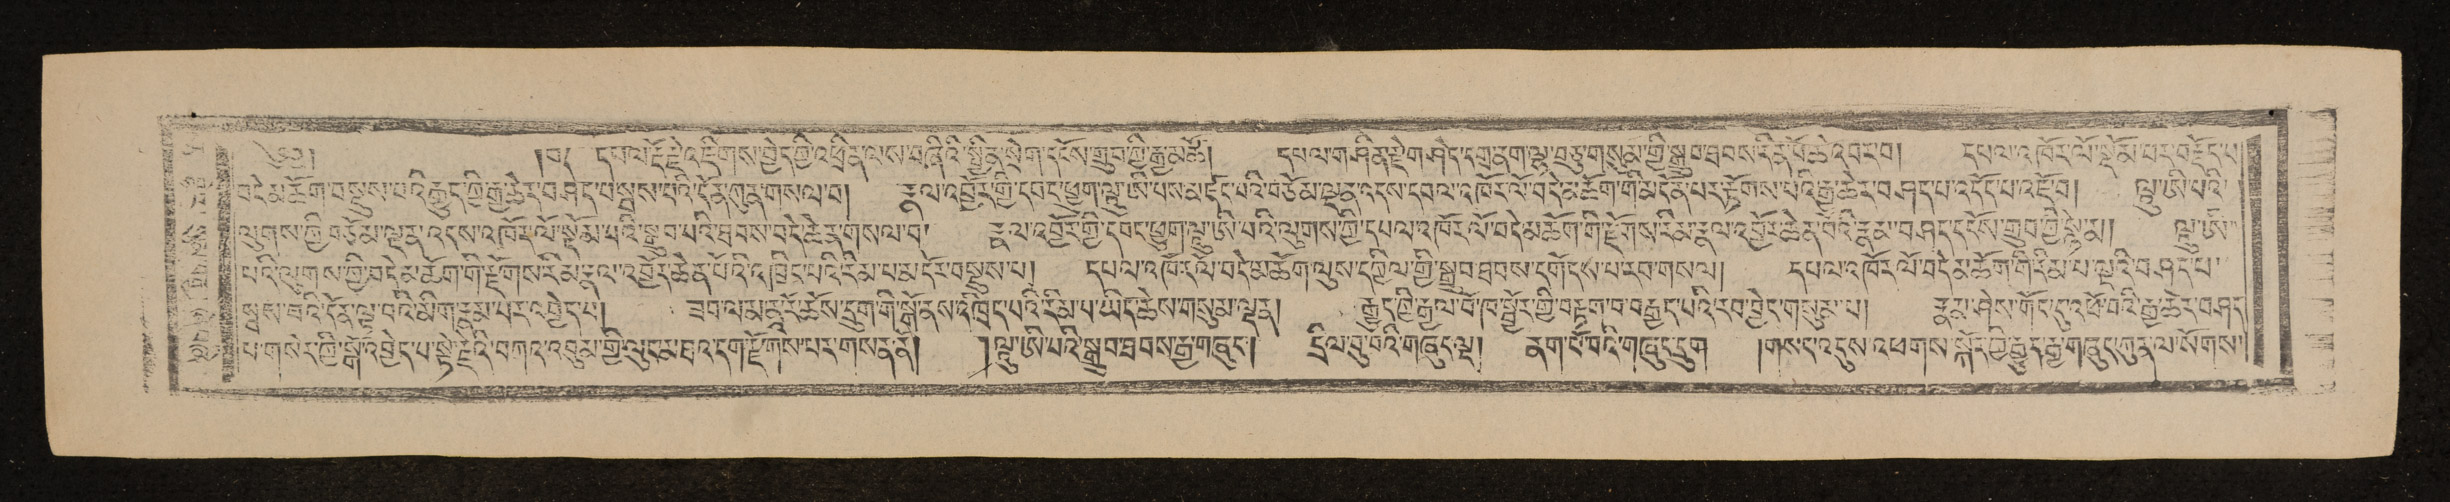༄༅། །བ༑ དཔལ་རྡོ་རྗེ་འཇིགས་བྱེད་ཀྱི་འཕྲིན་ལས་བཞིའི་སྦྱིན་སྲེག་དངོས་གྲུབ་ཀྱི་རྒྱ་མཚོ། དཔལ་གཤིན་རྗེ་གཤེད་དགྲ་ནག་ལྷ་བཅུ་གསུམ་གྱི་སྒྲུབ་ཐབས་རིན་པོ་ཆེ་འབར་བ། དཔལ་འཁོར་ལོ་སྡོམ་པར་བརྗོད་པ་
བདེ་མཆོག་བསྡུས་པའི་རྒྱུད་ཀྱི་རྒྱ་ཆེར་བཤད་པ་སྦས་པའི་དོན་ཀུན་གསལ་བ། རྣལ་འབྱོར་གྱི་དབང་ཕྱུག་ལཱུ་ཨི་པས་མཛད་པའི་བཅོམ་ལྡན་འདས་དཔལ་འཁོར་ལོ་བདེ་མཆོག་གི་མངོན་པར་རྟོགས་པའི་རྒྱ་ཆེར་བཤད་པ་འདོད་པ་འཇོ་བ?། ལཱུ་ཨི་པའི་
ལུགས་ཀྱི་བཅོམ་ལྡན་འདས་འཁོར་ལོ་སྡོམ་པའི་སྒྲུབ་པའི་ཐབས་བདེ་ཆེན་གསལ་བ། རྣལ་འབྱོར་གྱི་དབང་ཕྱུག་ལཱུ་ཨི་པའི་ལུགས་ཀྱི་དཔལ་འཁོར་ལོ་བདེ་མཆོག་གི་རྫོགས་རིམ་རྣལ་འབྱོར་ཆེན་པོའི་རྣམ་བཤད་དངོས་གྲུབ་ཀྱི་སྙེ་མ། ལཱུ་ཨི་
པའི་ལུགས་ཀྱི་བདེ་མཆོག་གི་རྫོགས་རིམ་རྣལ་འབྱོར་ཆེན་པོའི་འཁྲིད་པའི་རིམ་པ་མདོར་བསྡུས་པ། དཔལ་འཁོར་ལོ་བདེ་མཆོག་ལུས་དཀྱིལ་གྱི་སྒྲུབ་ཐབས་དགོངས་པ་རབ་གསལ། དཔལ་འཁོར་ལོ་བདེ་མཆོག་གི་རིམ་པ་ལྔའི་བཤད་པ་
སྦས་པའི་དོན་ལྟ་བའི་མིག་རྣམ་པར་འབྱེད་པ། ཟབ་ལམ་ནཱ་རོ་ཆོས་དྲུག་གི་སྒོ་ནས་འཁྲིད་པའི་རིམ་པ་ཡིད་ཆེས་གསུམ་ལྡན། རྒྱུད་ཀྱི་རྒྱལ་པོ་ཁ་སྦྱོར་གྱི་བརྟག་པ་བརྒྱད་པའི་རབ་བྱེད་གསུམ་པ། རྣམ་ཤེས་གོང་དུ་འཕོ་བའི་རྒྱ་ཆེར་བཤད་
པ་གསེར་ཀྱི་སྒོ་འབྱེད་པ་སྟེ་རྗེའི་བཀའ་འབུམ་གྱི་ལུང་མཐའ་དག་རྫོགས་པར་གསན་ནོ། །ལཱུ་ཨི་པའི་སྒྲུབ་ཐབས་རྒྱ་གཞུང་། དྲིལ་བུ་བའི་གཞུང་ལྔ། ནག་པོ་བའི་གཞུང་དྲུག །གསང་འདུས་འཕགས་སྐོར་ཀྱི་རྒྱུད་རྒྱ་གཞུང་ཀུན་ལ་སོགས་